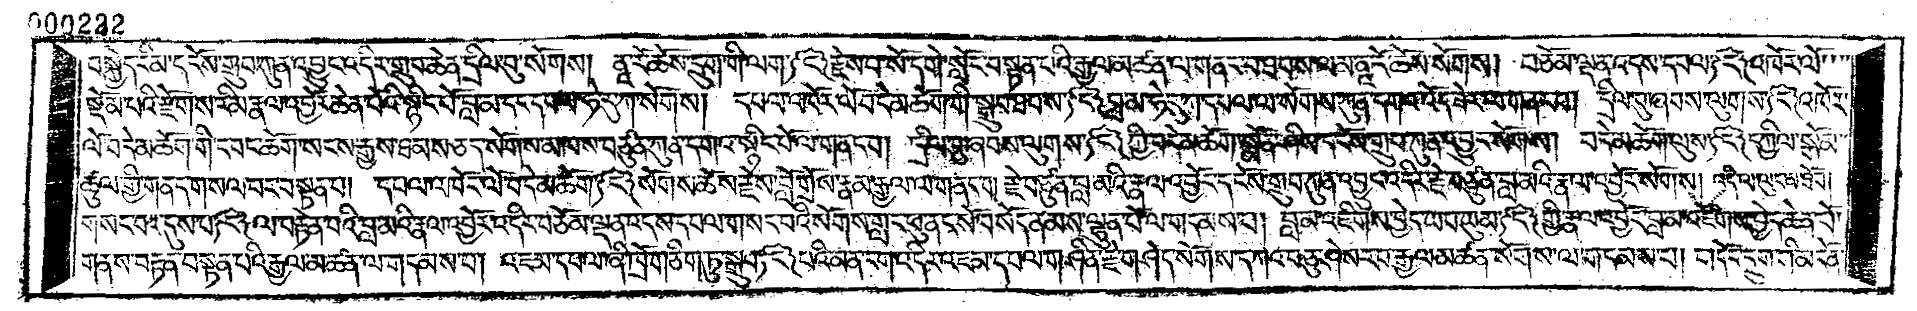བསྐྱེད་རིམ་དངོས་གྲུབ་ཀུན་འབྱུང་འདིར་གྲུབ་ཆེན་དྲིལ་བུ་སོགས། ནཱ་རོ་ཆོས་དྲུག་གི་ལག ༼ང༽ རྗེས་བ་སོ་དགེ་སློང་བསྟན་པའི་རྒྱལ་མཚན་ལ་གནང་བ་ཐབས་ལམ་ནཱ་རོ་ཆོས་སོགས། བཅོམ་ལྡན་འདས་དཔལ ༼ང༽ འཁོར་ལོ་
སྔོམ་པའི་རྫོགས་རིམ་རྣལ་འབྱོར་ཆེན་པོའི་སྙིང་པོ་བླ་མ་དང་དཔལ་ཧེ་རུ་ཀེ་སོགས། དཔལ་འཁོར་ལོ་བདེ་མཆོག་གི་སྒྲུབ་ཐབས ༼ང༽ བླ་མ་ཧེ་རུ་ཀ་དཔལ་ལ་སོགས་ཀུན་དགའ་འོད་ཟེར་ལ་གནང་བ། དྲིལ་བུ་ཞབས་ལུགས ༼ང༽ འཁོར་
ལོ་བདེ་མཆོག་གི་དབང་ཆོག་སངས་རྒྱས་ཐམས་ཅད་སོགས་མཁས་བཙུན་ཀུན་དགའ་སྙིང་པོ་ལ་གནང་བ། དྲིལ་བུ་ཞབས་ལུགས ༼ང༽ ཀྱི་བདེ་མཆོག་སྨོན་ཤིས་དངོས་གྲུབ་ཀུན་འབྱུང་སོགས། བདེ་མཆོག་ལུས ༼ང༽ དཀྱིལ་སྒོམ་
ཚུལ་གྱི་གནད་གསལ་བར་བསྟན་པ། དཔལ་འཁོར་ལོ་བདེ་མཆོག ༼ང༽ སོགས་ཆོས་རྗེས་བློ་གྲོས་རྣམ་རྒྱལ་ལ་གནང་བ། རྗེ་བཙུན་བླ་མའི་རྣལ་འབྱོར་དངོས་གྲུབ་ཀུན་འབྱུང་འདིར་རྗེ་བཙུན་བླ་མའི་རྣལ་འབྱོར་སོགས་འདི་ལ་ལུང་མ་ཐོབ།
གསང་བའི་དུས་པ། ༼ང༽ ལ་བརྟེན་པའི་བླ་མའི་རྣལ་འབྱོར་འདིར་བཅོམ་ལྡན་འདས་དཔལ་གསང་བའི་སོགས་གླང་ཕུ་ནང་སོ་བསོད་ནམས་ལྷུན་པོ་ལ་གདམས་པ། བླ་མ་འཇིགས་བྱེད་ཡབ་ཡུམ ༼ང༽ གྱི་རྣལ་འབྱོར་བླ་མ་འཇིགས་བྱེད་ཆེན་པོ་
གནས་བརྟན་བསྟན་པའི་རྒྱལ་མཚན་ལ་གདམས་པ། འཇམ་དཔལ་ཞི་ཁྲོག་གཅིག་ཏུ་སྒྲུབ ༼ང༽ པའི་མན་ངག་འདིར་འཇམ་དཔལ་གཤིན་རྗེ་གཤེད་སོགས་དཀའ་བཅུ་ཤེས་རབ་རྒྱལ་མཚན་སོགས་ལ་གདམས་པ། གདོང་དྲུག་གི་མངོ་